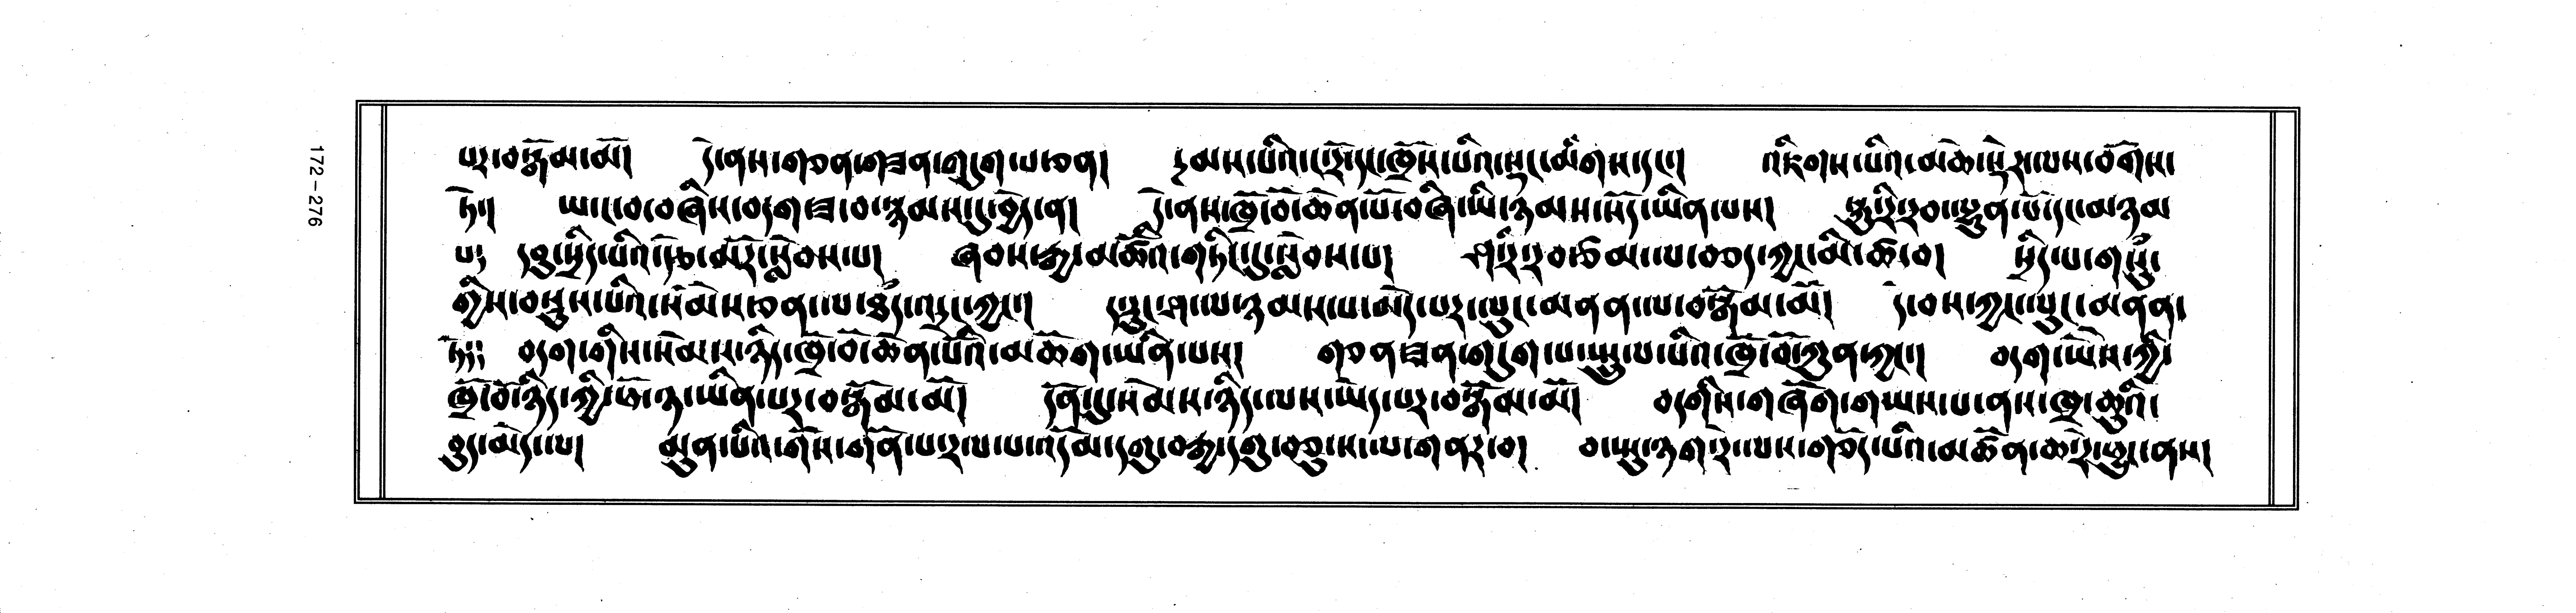པར་བསྒོམ་མོ། དེ་ནས་གཅན་གཟན་གདུག་པ་ཅན། རྔམས་པའི་ང་རོ་དང་ཁྲོས་པའི་སྡང་མིག་དང་། འཇིགས་པའི་མཆེ་སྡེར་ལས་བོགས་
ཏེ། ཡ་ང་བ་བཞི་བདག་ཟ་བ་སྙམས་དུ་བྱེད་ན། དེ་ནས་ཁྲོ་བོ་ཆེན་པོ་བཞི་ཡི་ཉམས་སོད་ཡིན་པས། སྐུ་རི་རབ་ལྷུན་པོ་དང་མཉམ་
པ། དབུ་སྲིད་པའི་རྩེ་མོར་སླེབས་པ། ཞབས་རྒྱ་མཚོའི་གཏིང་དུ་སླེབས་པ། ཤ་རི་རབ་ཙམ་ལ་བཅད་ཀྱང་མི་ཚ་བ། སྲིད་པ་གསུམ་
གྱིས་བསྡུས་པའི་སེམས་ཅན་ལ་ཐམས་ཅད་འདྲང་ཀྱང་། ད་རུང་ཤ་ལ་ཉམས་པ་མེད་པར་ལུང་མནན་ལ་བསྒོམ་མོ། དེ་བས་ཀྱང་ལུང་མནན་
ཏོ། བདག་གིས་སེམས་ཉིད་ཁྲོ་བོ་ཆེན་པོའི་མཆོག་ཡིན་པས། གཅན་ཟན་གདུག་པ་སྤྲུལ་པའི་ཁྲོ་བོ་ཀུན་ཀྱང་། བདག་ཡེ་ཤེས་ཀྱི་
ཁྲོ་བོ་ཉིད་ཀྱི་ཕོ་ཉ་ཡིན་པར་བསྒོམ་མོ། དོན་དུ་སེམས་ཉིད་ལས་ཡོད་པར་བསྒོམ་མོ། བདག་གིས་གཞོག་གཡས་པ་ནས་ཁྲ་ཆུའི་
བུད་མེད་ལ། མུན་པའི་གོས་གོན་པ་རལ་པ་འདོམ་དགུ་བརྒྱ་དགུ་བཅུ་ས་ལ་གནར་བ། བ་སྤུ་ཉག་རེ་ལས་གཅོད་པའི་མཚོན་ཆ་རེ་ཕྱུང་ནས།